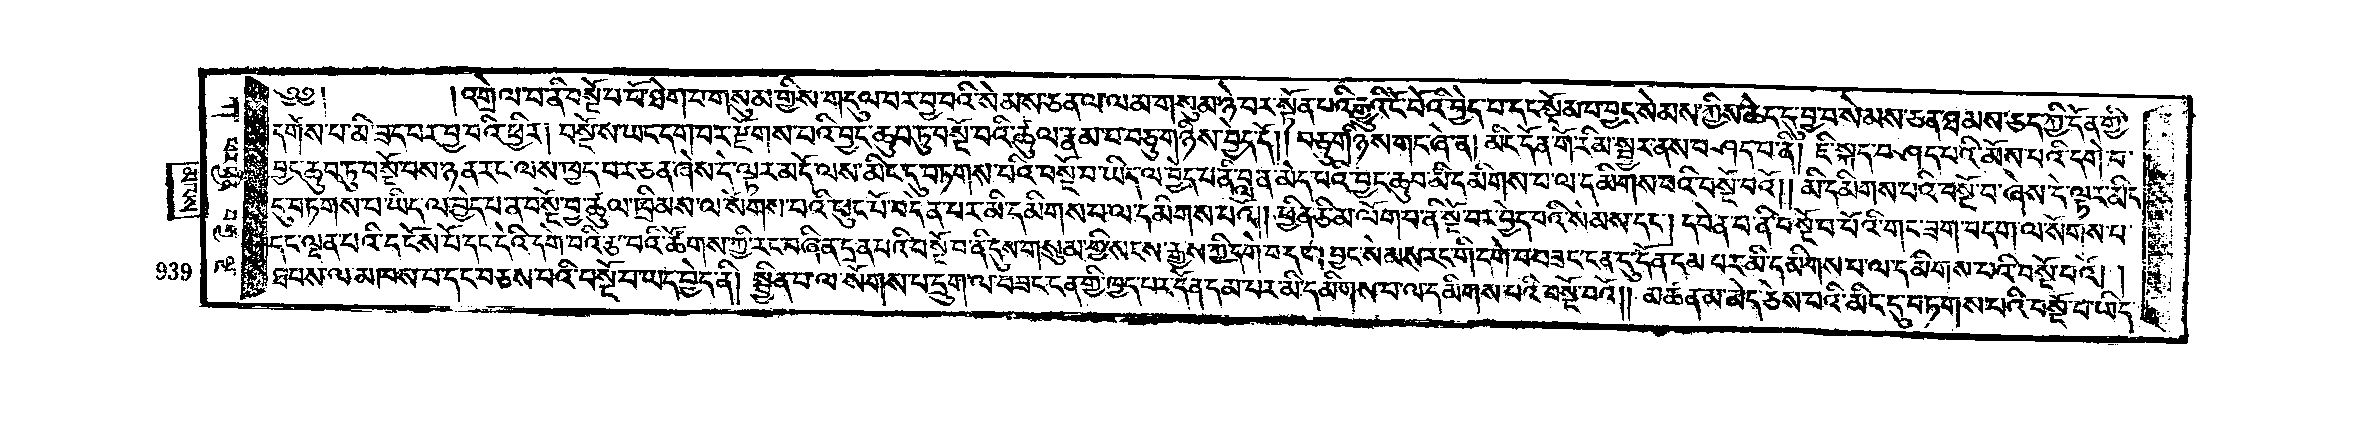༄༅། །འགྲེལ་བ་ནི་བསྔོ་བ་པོ་ཐེག་པ་གསུམ་གྱིས་གདུལ་བར་བྱ་བའི་སེམས་ཅན་ལ་ལམ་གསུམ་ཉེ་བར་སྟོན་པའི་རྒྱུའི་ངོ་བོའི་བྱེད་པ་དང་སྡོམ་པ་བྱང་སེམས་ཀྱིས་ཆེད་དུ་བྱ་བ་སེམས་ཅན་ཐམས་ཅད་ཀྱི་དོན་གྱི་
དགོས་པ་མི་ཟད་པར་བྱ་བའི་ཕྱིར། བསྔོ་ས་ཡང་དག་པར་རྫོགས་པའི་བྱང་ཆུབ་ཏུ་བསྔོ་བའི་ཚུལ་རྣམ་པ་བཅུ་གཉིས་བྱེད་དོ། །བཅུ་གཉིས་གང་ཞེ་ན། མིང་དོན་གོ་རིམ་སྦྱར་ནས་བཤད་པ་ནི། ཇི་སྐད་བཤད་པའི་མོས་པའི་དགེ་བ་
བྱན་ཆུབ་ཏུ་བསྔོ་བས་ཉན་རང་ལས་ཁྱད་པར་ཅན་ཞེས་དེ་ལྟར་མདོ་ལས་མིང་དུ་བཏགས་པའི་བསྔོ་བ་ཡིད་ལ་བྱེད་པ་ནི་བླ་ན་མེད་པའི་བྱང་ཆུབ་མི་དམིགས་པ་ལ་དམིགས་པའི་བསྔོ་བའོ། །མི་དམིགས་པའི་བསྔོ་བ་ཞེས་དེ་ལྟར་མིང་
དུ་བཏགས་པ་ཡིད་ལ་བྱེད་པ་ན་བསྔོ་བྱ་ཚུལ་ཁྲིམས་ལ་སོགས་པའི་ཕུང་པོ་བདེན་པར་མི་དམིགས་པ་ལ་དམིགས་པའོ། །ཕྱིན་ཅི་མ་ལོག་པ་ནི་སྔོ་བར་བྱེད་པའི་སེམས་དང་། དབེན་པ་ནི་བསྔོ་བ་པོའི་གང་ཟག་བདག་ལ་སོགས་པ་
དང་ལྡན་པའི་དངོས་པོ་དང་དེའི་དགེ་བའི་རྩ་བའི་ཚོགས་ཀྱི་རང་བཞིན་དྲན་པའི་བསྔོ་བ་ནི་དུས་གསུམ་གྱི་སངས་རྒྱས་ཀྱི་དགེ་བ་དང་། བྱང་སེམས་རང་གི་དགེ་བ་བཟང་ངན་དུ་དོན་དམ་པར་མི་དམིགས་པ་ལ་དམིགས་པའི་བསྔོ་བའོ། །
ཐབས་ལ་མཁས་པ་དང་བཅས་པའི་བསྔོ་བ་ཡིད་བྱེད་ནི། སྦྱིན་པ་ལ་སོགས་པ་དྲུག་ལ་བཟང་ངན་གྱི་ཁྱད་པར་དོན་དམ་པར་མི་དམིགས་པ་ལ་དམིགས་པའི་བསྔོ་བའོ། །མཚན་མ་མེད་ཅེས་པའི་མིང་དུ་བཏགས་པའི་བསྔོ་བ་ཡིད་